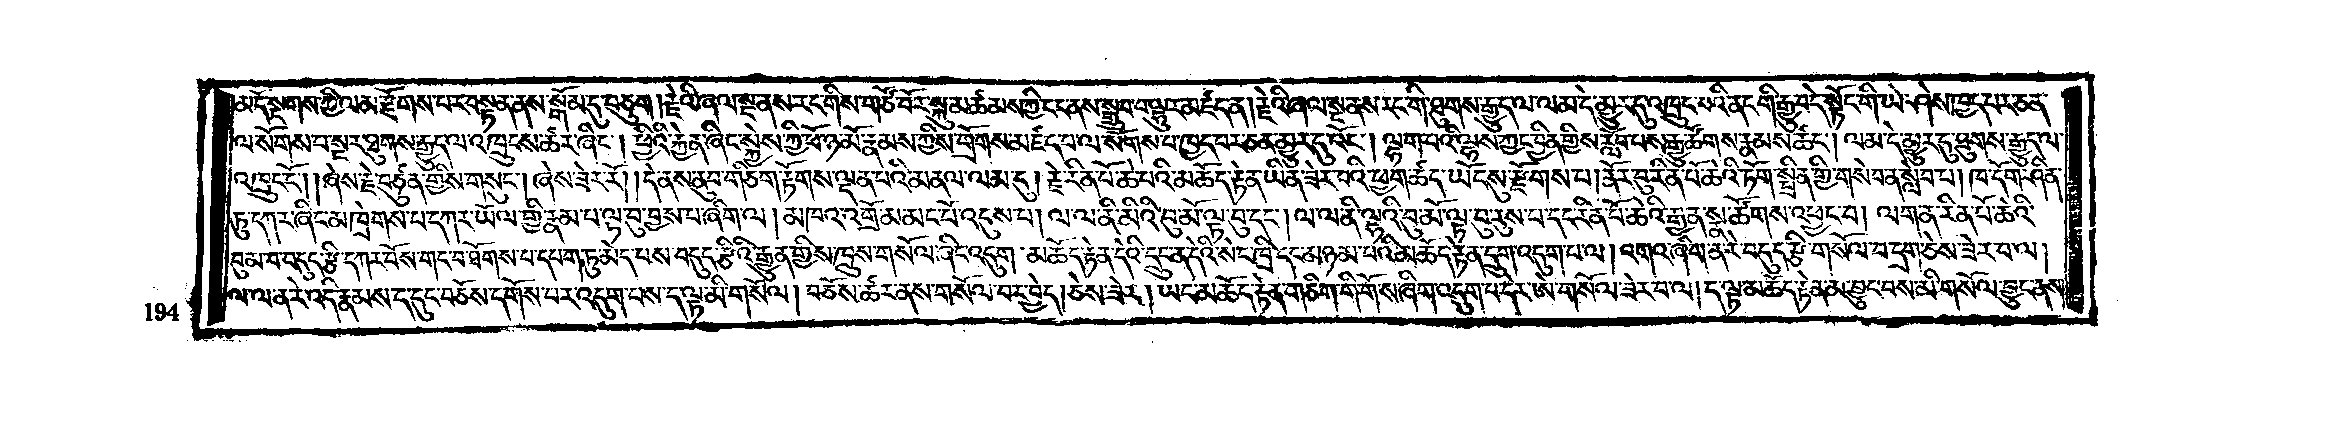མདོ་སྔགས་ཀྱི་ལམ་རྫོགས་པར་བསྟན་ནས་སྒོམ་དུ་བཅུག །རྗེའི་ཞལ་སྔ་ནས་རང་གིས་གཙོ་བོར་སྐུ་མཚམས་ཀྱི་ངང་ནས་སྒྲུབ་པ་ལྷུར་མཛད་ན། རྗེའི་ཞལ་སྔ་ནས་རང་གི་ཐུགས་རྒྱུད་ལ་ལམ་དེ་མྱུར་དུ་འཁྲུང་པའི་ནང་གི་རྒྱུ་བདེ་སྟོང་གི་ཡེ་ཤེས་ཁྱད་པར་ཅན་
ལ་སོགས་པ་སྔར་ཐུགས་རྒྱུད་ལ་འཁྲུངས་ཚར་ཞིང་། ཕྱིའི་རྐྱེན་ཞིང་སྐྱེས་ཀྱི་ཕོ་ཉ་མོ་རྣམས་ཀྱིས་གྲོགས་མཛད་པ་ལ་སོགས་པ་ཁྱད་པར་ཅན་མྱུར་དུ་འོང་། ལྷག་པའི་ལྷས་ཀྱང་བྱིན་གྱིས་རློབ་པས་རྒྱུ་ཚོགས་རྣམས་ཚང་། ལམ་དེ་མྱུར་དུ་ཐུགས་རྒྱུད་ལ་
འཁྲུང་ངོ། །ཞེས་རྗེ་བཙུན་གྱིས་གསུང་། ཞེས་ཟེར་རོ། །དེ་ནས་ནུབ་གཅིག་རྟོགས་ལྡན་པའི་མནལ་ལམ་དུ། རྗེ་རིན་པོ་ཆེ་པའི་མཆོད་རྟེན་ཡིན་ཟེར་བའི་ཕྱག་ཚད་ཡོངས་སུ་རྫོགས་པ། ནོར་བུ་རིན་པོ་ཆེའི་ཏོག་སྤྲིན་གྱི་གསེབ་ན་སླེབ་པ། ཁ་དོག་ཤིན་
ཏུ་དཀར་ཞིང་མཁྲེགས་པ་དཀར་ཡོལ་གྱི་རྣམ་པ་ལྟ་བུ་བྱས་པ་ཞིག་ལ། མཁའ་འགྲོ་མ་མང་པོ་འདུས་པ། ལ་ལ་ནི་མིའི་བུ་མོ་ལྟ་བུ་དང་། ལ་ལ་ནི་ལྷའི་བུ་མོ་ལྟ་བུ་རུས་པ་དང་རིན་པོ་ཆེའི་རྒྱན་སྣ་ཚོགས་འཕྱང་བ། ལག་ན་རིན་པོ་ཆེའི་
བུམ་པ་བདུད་རྩི་དཀར་པོས་གང་བ་ཐོགས་པ་དཔག་ཏུ་མེད་པས་བདུད་རྩིའི་རྒྱུན་གྱིས་ཁྲུས་གསོལ་ཞིང་འདུག་མཆོད་རྟེན་དེའི་དྲུང་ན་དེའི་སེང་ཁྲི་དང་མཉམ་པའི་མཆོད་རྟེན་དྲུག་འདུག་པ་ལ། འགའ་ཞིག་ན་རེ་བདུད་རྩི་གསོལ་བ་དྲག་ཅེས་ཟེར་བ་ལ།
ལ་ལ་ན་རེ་འདི་རྣམས་ད་དུང་བཅོས་དགོས་པར་འདུག་པས་ད་ལྟ་མི་གསོལ། བཅོས་ཚར་ནས་གསོལ་བར་བྱེད། ཅེས་ཟེར། ཡང་མཆོད་རྟེན་གཅིག་གི་གོ་ས་ཞིག་འདུག་པ་དེར་ཨེ་གསོལ་ཟེར་བ་ལ། ད་ལྟ་མཆོད་རྟེན་མ་བྱུང་བས་མི་གསོལ་བྱུང་ནས་